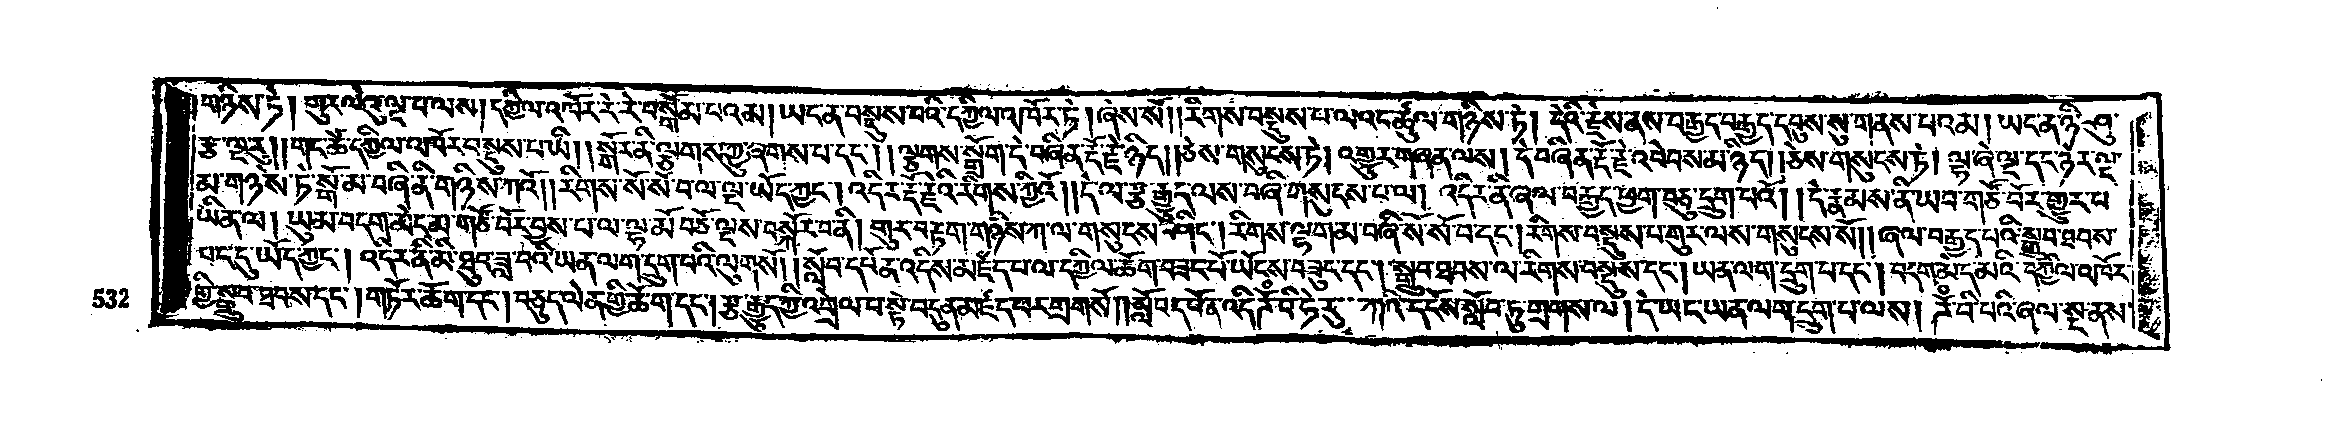གཉིས་ཏེ། གུར་ལེའུ་ལྔ་པ་ལས། དཀྱིལ་འཁོར་རེ་རེ་བསྒོམ་པའམ། ཡང་ན་བསྡུས་པའི་དཀྱིལ་འཁོར་ཏེ། ཞེས་སོ། །རིགས་བསྡུས་པ་ལའང་ཚུལ་གཉིས་ཏེ། དེའི་རྗེས་ནས་བརྒྱད་བརྒྱད་དབུས་སུ་གནས་པའམ། ཡང་ན་ཉི་ཤུ་
རྩ་ལྔ་རུ། །གང་ཚེ་དཀྱིལ་འཁོར་བསྡུས་པ་ཡི། །སྒོར་ནི་ལྕགས་ཀྱུ་ཞགས་པ་དང་། །ལྕགས་སྒྲོག་དེ་བཞིན་རྡོ་རྗེ་ཉིད། །ཅེས་གསུངས་ཏེ། འགྱུར་གཞན་ལས། དེ་བཞིན་རྡོ་རྗེ་འབེབས་མ་ཉིད། །ཅེས་གསུངས་ཏེ། ལྷ་ཞེ་ལྔ་དང་ཉེར་ལྔ་
མ་གཉིས་ཏེ་སྒོ་མ་བཞི་ནི་གཉིས་ཀའོ། །རིགས་སོ་སོ་བ་ལ་ལྔ་ཡོད་ཀྱང་། འདིར་རྡོ་རྗེའི་རིགས་ཀྱིའོ། །དེ་ལ་རྩ་རྒྱུད་ལས་བཞི་གསུངས་པ་ལ། འདིར་ནི་ཞལ་བརྒྱད་ཕྱག་བཅུ་དྲུག་པའོ། །དེ་རྣམས་ནི་ཡབ་གཙོ་བོར་གྱུར་པ་
ཡིན་ལ། ཡུམ་བདག་མེད་མ་གཙོ་བོར་བྱས་པ་ལ་ལྷ་མོ་བཅོ་ལྔས་བསྐོར་བ་ནི། གུར་བརྟག་གཉིས་ཀ་ལ་གསུངས་ཤིང་། རིགས་ལྷག་མ་བཞི་སོ་སོ་བ་དང་། རིགས་བསྡུས་པ་གུར་ལས་གསུངས་སོ། །ཞལ་བརྒྱད་པའི་སྒྲུབ་ཐབས་
པད་དུ་ཡོད་ཀྱང་། འདིར་ནི་མི་ཐུབ་ཟླ་བའི་ཡན་ལག་དྲུག་པའི་ལུགས་སོ། །སློབ་དཔོན་འདིས་མཛད་པ་ལ་དཀྱིལ་ཆོག་བཟང་པོ་ཡོངས་བཟུང་དང་། སྒྲུབ་ཐབས་ལ་རིགས་བསྡུས་དང་། ཡན་ལག་དྲུག་པ་དང་། བདག་མེད་མའི་དཀྱིལ་འཁོར་
གྱི་སྒྲུབ་ཐབས་དང་། གཏོར་ཆོག་དང་། བཅུད་ལེན་གྱི་ཆོ་ག་དང་། རྩ་རྒྱུད་ཀྱི་འགྲེལ་པ་སྟེ་བདུན་མཛད་པར་གྲགས་སོ། །སློབ་དཔོན་འདི་ཌོཾ་བི་ཧེ་རུ་ཀའི་དངོས་སློབ་ཏུ་གྲགས་ལ། དེ་ཡང་ཡན་ལག་དྲུག་པ་ལས། ཌོཾ་བི་པའི་ཞལ་སྔ་ནས་